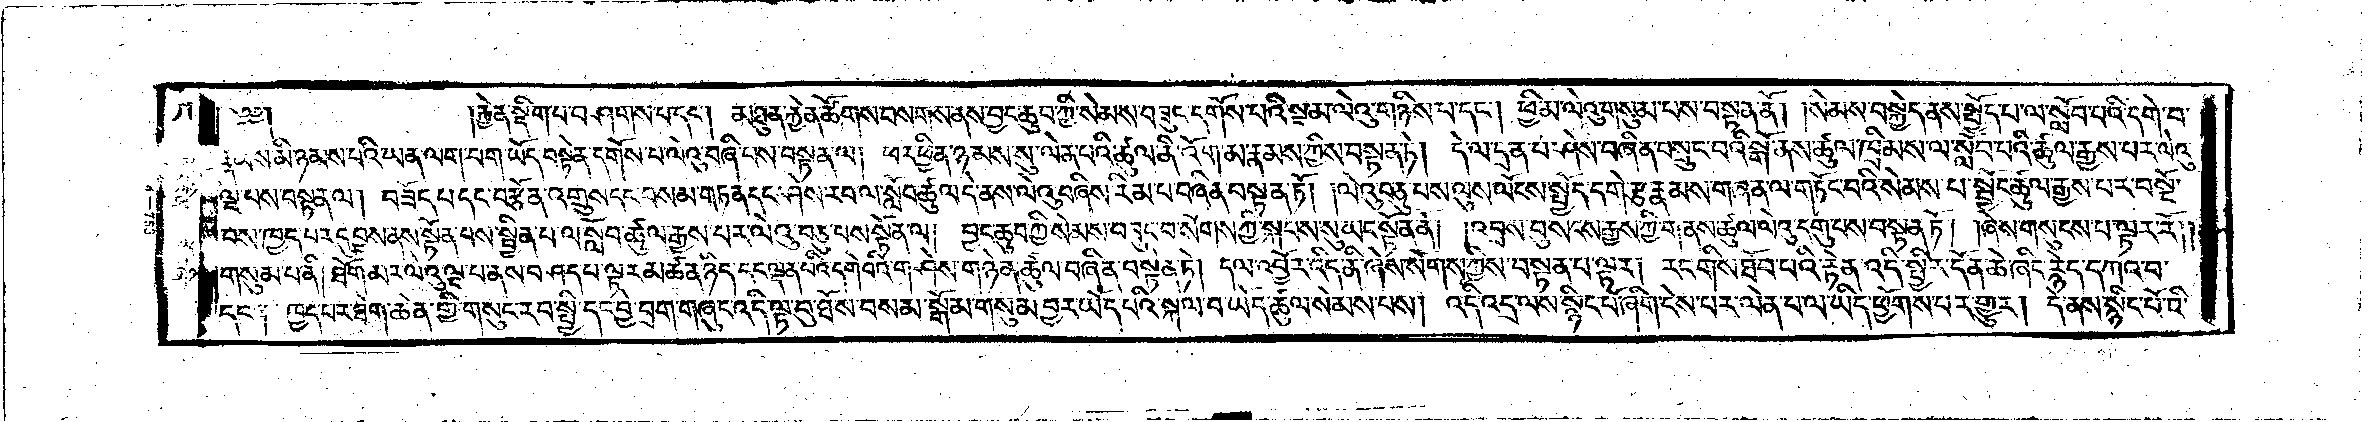༄༅། །རྐྱེན་སྡིག་པ་བཤགས་པ་དང་། མཐུན་རྐྱེན་ཚོགས་བསགས་ནས་བྱང་ཆུབ་ཀྱི་སེམས་བཟུང་དགོས་པའི་སྦམ་ལེའུ་གཉིས་པ་དང་། ཕྱི་མ་ལེའུ་གསུམ་པས་བསྟན་ནོ། །སེམས་བསྐྱེད་ནས་སྤྱོད་པ་ལ་སློབ་པའི་དགེ་བ་
རྣམས་མི་ཉམས་པའི་ཡན་ལག་བག་ཡོད་བསྟེན་དགོས་པ་ལེའུ་བཞི་པས་བསྟན་ལ། ཕར་ཕྱིན་ཉམས་སུ་ལེན་པའི་ཚུལ་ནི་འོག་མ་རྣམས་ཀྱིས་བསྟན་ཏེ། དེ་ལ་དྲན་པ་ཤེས་བཞིན་བསྲུང་བའི་སྒོ་ནས་ཚུལ་ཁྲིམས་ལ་སློབ་པའི་ཚུལ་རྒྱས་པར་ལེའུ་
ལྔ་པས་བསྟན་ལ། བཟོད་པ་དང་བརྩོན་འགྲུས་དང་བསམ་གཏན་དང་ཤེས་རབ་ལ་སློབ་ཚུལ་དེ་ནས་ལེའུ་བཞིས་རིམ་པ་བཞིན་བསྟན་ཏོ། །ལེའུ་བཅུ་པས་ལུས་ལོངས་སྤྱོད་དགེ་རྩ་རྣམས་གཞན་ལ་གཏོང་བའི་སེམས་པ་སྦྱོང་ཚུལ་རྒྱས་པར་བསྔོ་
བས་ཁྱད་པར་དུ་བྱས་ནས་སྟོན་པས་སྦྱིན་པ་ལ་སློབ་ཚུལ་རྒྱས་པར་ལེའུ་བཅུ་པས་སྟོན་ལ། བྱང་ཆུབ་ཀྱི་སེམས་བཟུང་བ་སོགས་ཀྱི་སྐབས་སུ་ཡང་སྟོན་ནོ། །འབྲས་བུ་སངས་རྒྱས་ཀྱི་གནས་ཚུལ་ལེའུ་དགུ་པས་བསྟན་ཏོ། །ཞེས་གསུངས་པ་ལྟར་རོ། །
གསུམ་པ་ནི། ཐོག་མར་ལེའུ་ལྔ་པ་ནས་བཤད་པ་ལྟར་མཚན་ཉིད་དང་ལྡན་པའི་དགེ་བའི་གཤེས་གཉེན་ཚུལ་བཞིན་བསྟེན་ཏེ། དལ་འབྱོར་འདི་ནི་ཞེས་སོགས་ཀྱིས་བསྟན་པ་ལྟར། རང་གིས་ཐོབ་པའི་རྟེན་འདི་སྤྱིར་དོན་ཆེ་ཞིང་རྙེད་དཀའ་བ་
དང་༑ཁྱད་པར་ཐེག་ཆེན་གྱི་གསུང་རབ་སྤྱི་དང་བྱེ་བྲག་གཞུང་འདི་ལྟ་བུ་ཐོས་བསམ་སྒོམ་གསུམ་བྱར་ཡོད་པའི་སྐལ་བ་ཡོད་ཚུལ་སེམས་པས། འདི་འདྲ་ལས་སྙིང་པོ་ཞིག་ངེས་པར་ལེན་པ་ལ་ཡིད་ཕྱོགས་པར་གྱུར། དེ་ནས་སྙིང་པོའི་